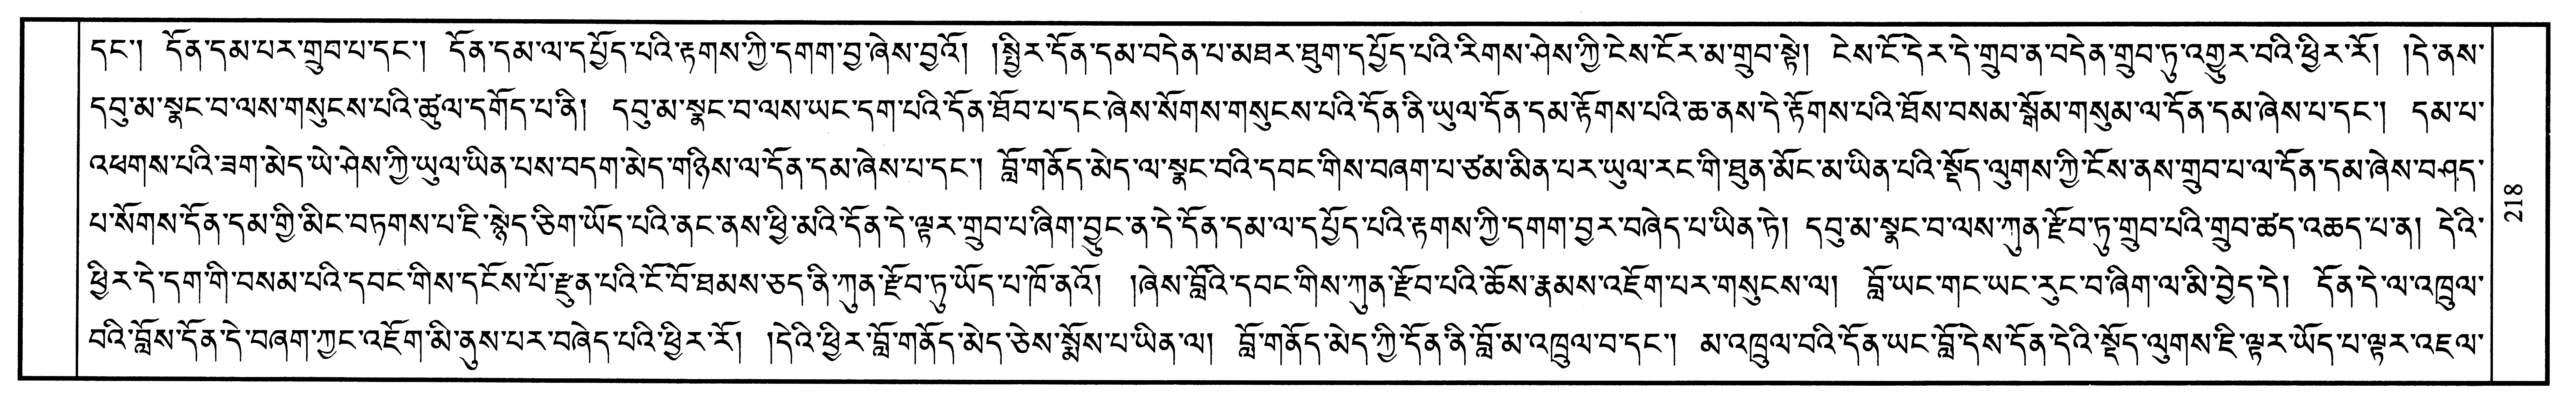དང་། དོན་དམ་པར་གྲུབ་པ་དང་། དོན་དམ་ལ་དཔྱོད་པའི་རྟགས་ཀྱི་དགག་བྱ་ཞེས་བྱའོ། །སྤྱིར་དོན་དམ་བདེན་པ་མཐར་ཐུག་དཔྱོད་པའི་རིགས་ཤེས་ཀྱི་ངེས་ངོར་མ་གྲུབ་སྟེ། ངེས་ངོ་དེར་དེ་གྲུབ་ན་བདེན་གྲུབ་ཏུ་འགྱུར་བའི་ཕྱིར་རོ། །དེ་ནས་
དབུ་མ་སྣང་བ་ལས་གསུངས་པའི་ཚུལ་དགོད་པ་ནི། དབུ་མ་སྣང་བ་ལས་ཡང་དག་པའི་དོན་ཐོབ་པ་དང་ཞེས་སོགས་གསུངས་པའི་དོན་ནི་ཡུལ་དོན་དམ་རྟོགས་པའི་ཆ་ནས་དེ་རྟོགས་པའི་ཐོས་བསམ་སྒོམ་གསུམ་ལ་དོན་དམ་ཞེས་པ་དང་། དམ་པ་
འཕགས་པའི་ཟག་མེད་ཡེ་ཤེས་ཀྱི་ཡུལ་ཡིན་པས་བདག་མེད་གཉིས་ལ་དོན་དམ་ཞེས་པ་དང་། བློ་གནོད་མེད་ལ་སྣང་བའི་དབང་གིས་བཞག་པ་ཙམ་མིན་པར་ཡུལ་རང་གི་ཐུན་མོང་མ་ཡིན་པའི་སྡོད་ལུགས་ཀྱི་ངོས་ནས་གྲུབ་པ་ལ་དོན་དམ་ཞེས་བཤད་
པ་སོགས་དོན་དམ་གྱི་མིང་བཏགས་པ་ཇི་སྙེད་ཅིག་ཡོད་པའི་ནང་ནས་ཕྱི་མའི་དོན་དེ་ལྟར་གྲུབ་པ་ཞིག་བྱུང་ན་དེ་དོན་དམ་ལ་དཔྱོད་པའི་རྟགས་ཀྱི་དགག་བྱར་བཞེད་པ་ཡིན་ཏེ། དབུ་མ་སྣང་བ་ལས་ཀུན་རྫོབ་ཏུ་གྲུབ་པའི་གྲུབ་ཚད་འཆད་པ་ན། དེའི་
ཕྱིར་དེ་དག་གི་བསམ་པའི་དབང་གིས་དངོས་པོ་རྫུན་པའི་ངོ་བོ་ཐམས་ཅད་ནི་ཀུན་རྫོབ་ཏུ་ཡོད་པ་ཁོ་ནའོ། །ཞེས་བློའི་དབང་གིས་ཀུན་རྫོབ་པའི་ཆོས་རྣམས་འཇོག་པར་གསུངས་ལ། བློ་ཡང་གང་ཡང་རུང་བ་ཞིག་ལ་མི་བྱེད་དེ། དོན་དེ་ལ་འཁྲུལ་
བའི་བློས་དོན་དེ་བཞག་ཀྱང་འཇོག་མི་ནུས་པར་བཞེད་པའི་ཕྱིར་རོ། །དེའི་ཕྱིར་བློ་གནོད་མེད་ཅེས་སྨོས་པ་ཡིན་ལ། བློ་གནོད་མེད་ཀྱི་དོན་ནི་བློ་མ་འཁྲུལ་བ་དང་། མ་འཁྲུལ་བའི་དོན་ཡང་བློ་དེས་དོན་དེའི་སྡོད་ལུགས་ཇི་ལྟར་ཡོད་པ་ལྟར་འཇལ་